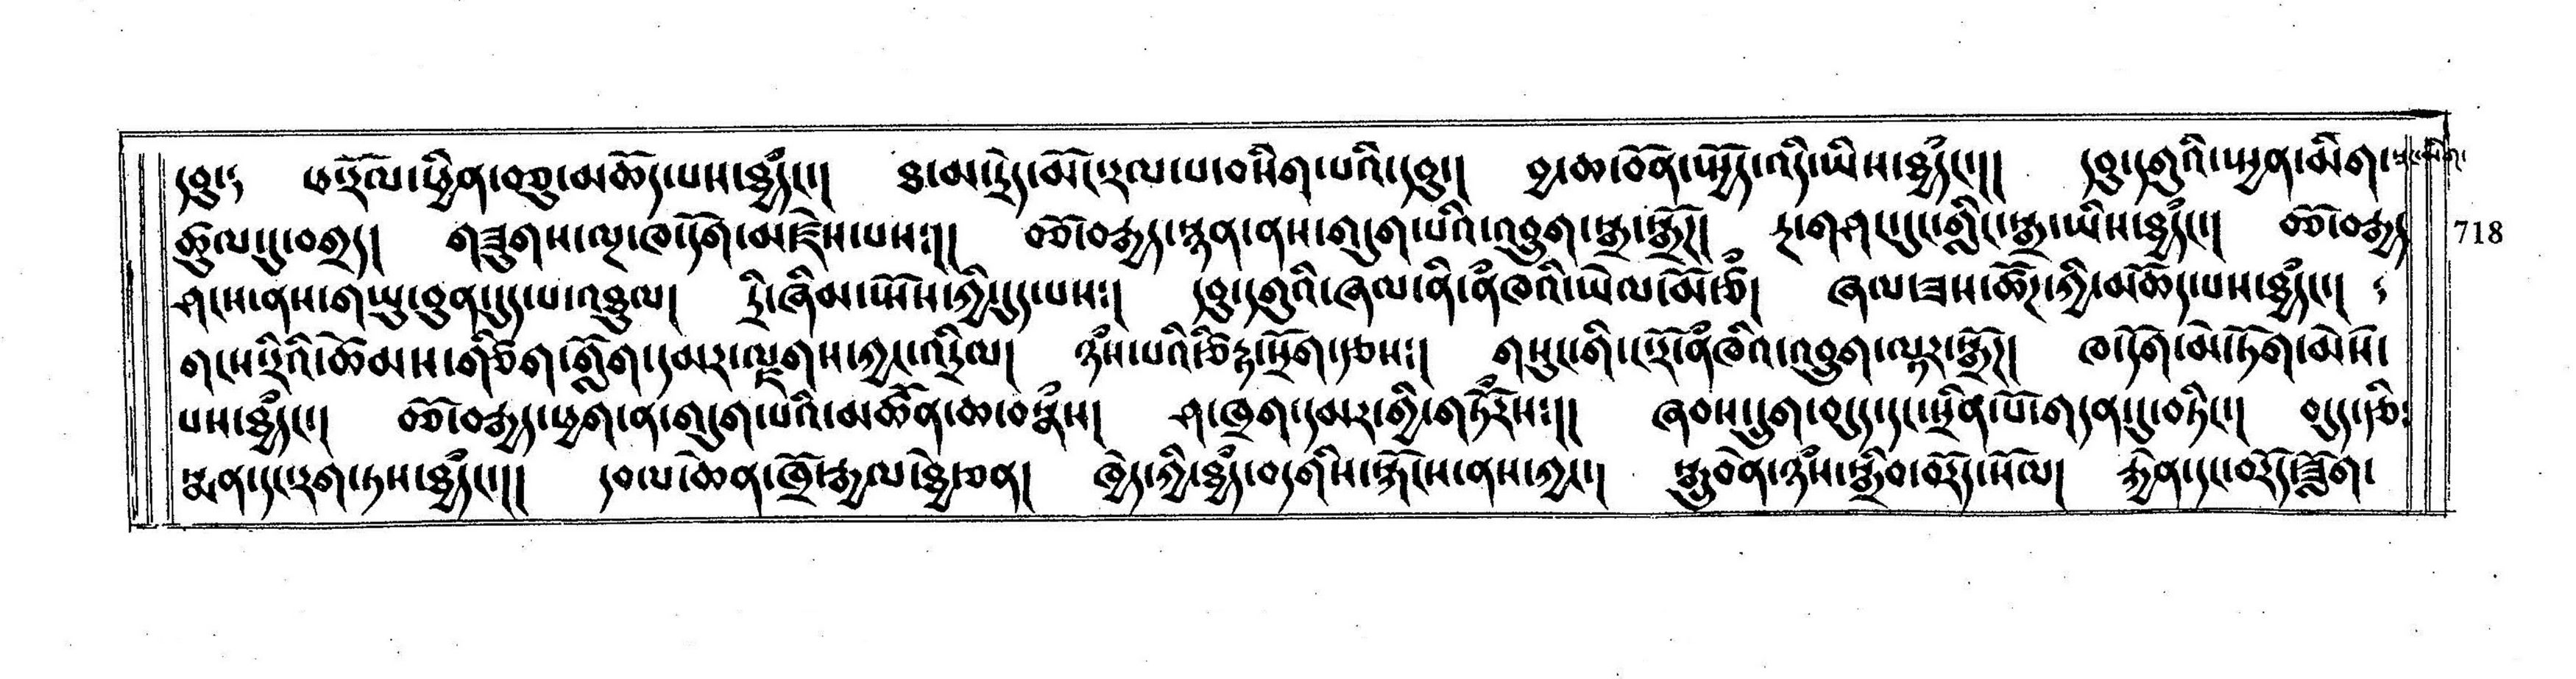དབུ། ཕ་རོལ་ཕྱིན་བཅུ་མཆོད་པས་ཐུགས་དམ་བསྐང་། ཐ་མ་དྲེད་མོང་རལ་པ་བསིག་པའི་དབུ། བྱ་ཆ་བོན་སྤྱོད་འདི་ཡིས་ཐུགས་དམ་བསྐང་།། དབུ་དགུའི་སྤྱན་མིག་སྡང་མིག་
ཚུལ་དུ་བགྲད། གཟུགས་ལྔ་ཁ་དོག་མཛེས་པས༴།། བཅོ་བརྒྱད་སྙན་ནས་གདུག་པའི་འབྲུག་སྒྲ་སྒྲོགས། རྔ་གཤང་དུང་གླིང་སྒྲ་ཡིས་ཐུགས་དམ་བསྐང་། བཅོ་བརྒྱད་
ཤངས་ནས་གཡུ་བུན་དུད་པ་འཐུལ། དྲི་ཞིམ་སྤོས་ཀྱི་དུད་པས༴། དབུ་དགུའི་ཞལ་ནི་ནམ་མཁའི་ཡེལ་མོ་ཙམ། ཞལ་ཟས་ཚོགས་ཀྱི་མཆོད་པས་ཐུགས་དམ་བསྐང་། 
གངས་རིའི་ཚེམས་གཙིག་གློག་དམར་ལྗགས་ཀྱང་འདྲིལ། ཉམས་པའི་ཙིཏྟ་སྲོག་རྩས༴། གསུང་གི་ང་རོ་ནམ་མཁའི་འབྲུག་ལྟར་སྒྲོགས། ཁ་དོག་མེ་ཏོག་མཛེས་
པས་ཐུགས་དམ་བསྐང་། བཅོ་བརྒྱད་ཕྱག་ན་གདུག་པའི་མཚོན་ཆ་བསྣམས། ཤ་ཁྲག་དམར་གྱི་གཏོར་མས༴།། ཞབས་དྲུག་བདུད་དང་སྲིན་པོ་གདན་དུ་བཏིང་། བདུད་རྩི་
སྨན་དང་རག་ཏས་ཐུགས་དམ་བསྐང་།། དབལ་ཆེན་ཁྲོ་རྒྱལ་ཐུགས་རྗེ་ཅན། ཁྱེད་ཀྱི་ཐུགས་དམ་བདག་གིས་སྐོངས་ནས་ཀྱང་། སྒྲུབ་གཤེན་ཉམས་སྒྲིབ་བར་ཆོད་སོལ། རྐྱེན་དང་བར་ཆོད་ཟློག་